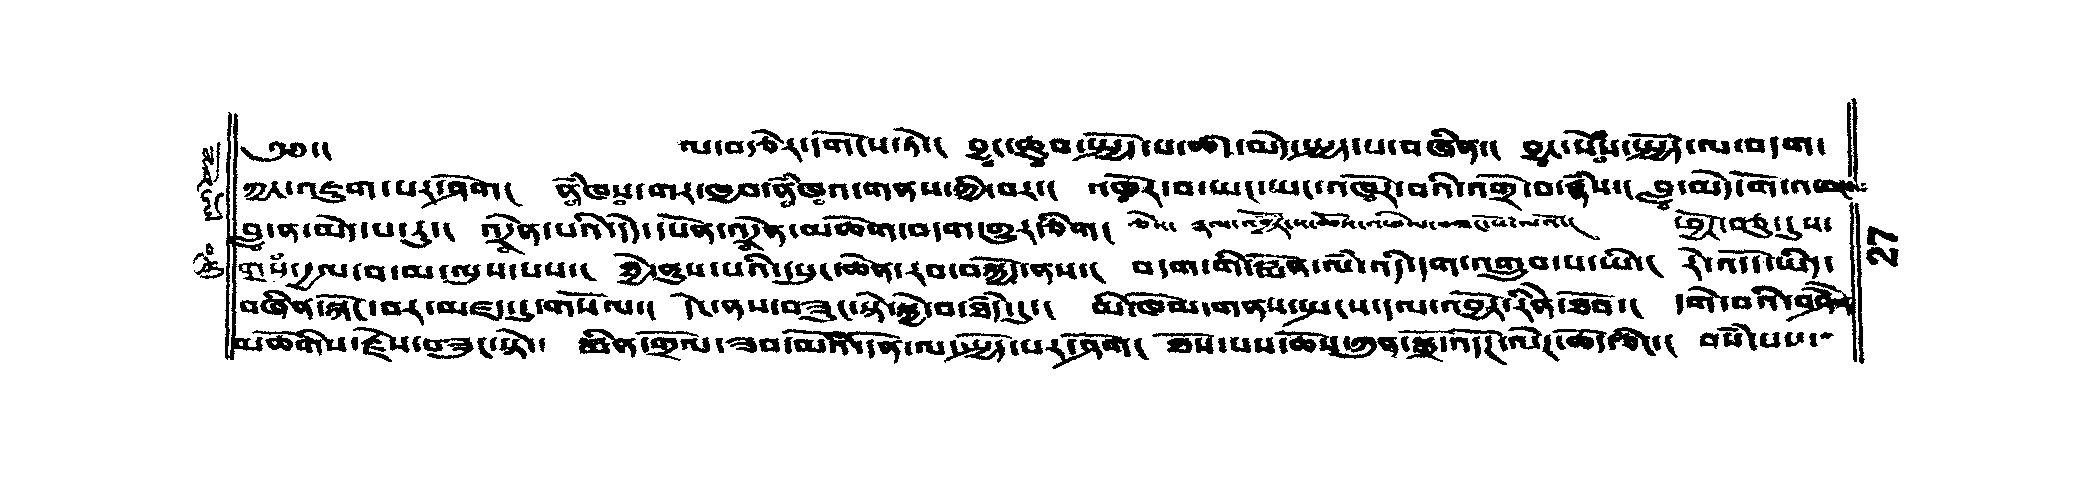ལ་བརྩེར་དགོངས་ཏེ། །བྱང་ཆུབ་སྤྱོད་པ་ཚད་མེད་སྤྱད་པ་བཞིན། །བྱང་སེམས་སྤྱོད་ལ་བདག་
ཀྱང་འཇུག་པར་ཤོག །ནམ་མཁས་གར་ཁྱབ་ནམ་མཁའ་གནས་ཀྱི་བར། །འཁོར་བ་ཡང་ཡང་འཁོར་བའི་འགྲོ་བ་རྣམས། །བླ་མེད་གོ་འཕང་
བླ་ན་མེད་པ་རུང་། །འདྲེན་པའི་དེད་དཔོན་འདྲེན་མཆོག་བདག་གྱུར་ཅིག ཅེས་རྣལ་འབྱོར་པ་ཆོས་འཕེལ་བཟང་པོ་ལའོ།།ཕྱོགས་བཅུ་དུས་
གསུམ་རྒྱལ་བ་མ་ལུས་པས། །ཐུགས་རྗེ་ནུས་པའི་དཔུང་ཆེན་རབ་བསྐྱོད་ནས། །བདག་གི་སྨོན་ལམ་འདི་དག་འགྲུབ་པ་ཡི། །རེ་འདོད་ཡིད་
བཞིན་སྐོང་བར་མཛད་དུ་གསོལ། །དེང་ནས་བཟུང་སྟེ་སྐྱེ་བ་ཐམས་ཅད་དུ། །མི་ཁོམ་གནས་སྤངས་དལ་འབྱོར་རིན་ཆེན་ཐོབ། །དགེ་བའི་བཤེས་གཉེན་
མཆོག་གིས་རྗེས་བཟུང་སྟེ། །སྨིན་གྲོལ་ཟབ་མོའི་དོན་ལ་སྤྱོད་པར་ཤོག །ཐོས་པས་ཆོས་ཀུན་སྒྲོ་འདོགས་ལེགས་ཆོད་ཅིང་། །བསམ་པས་